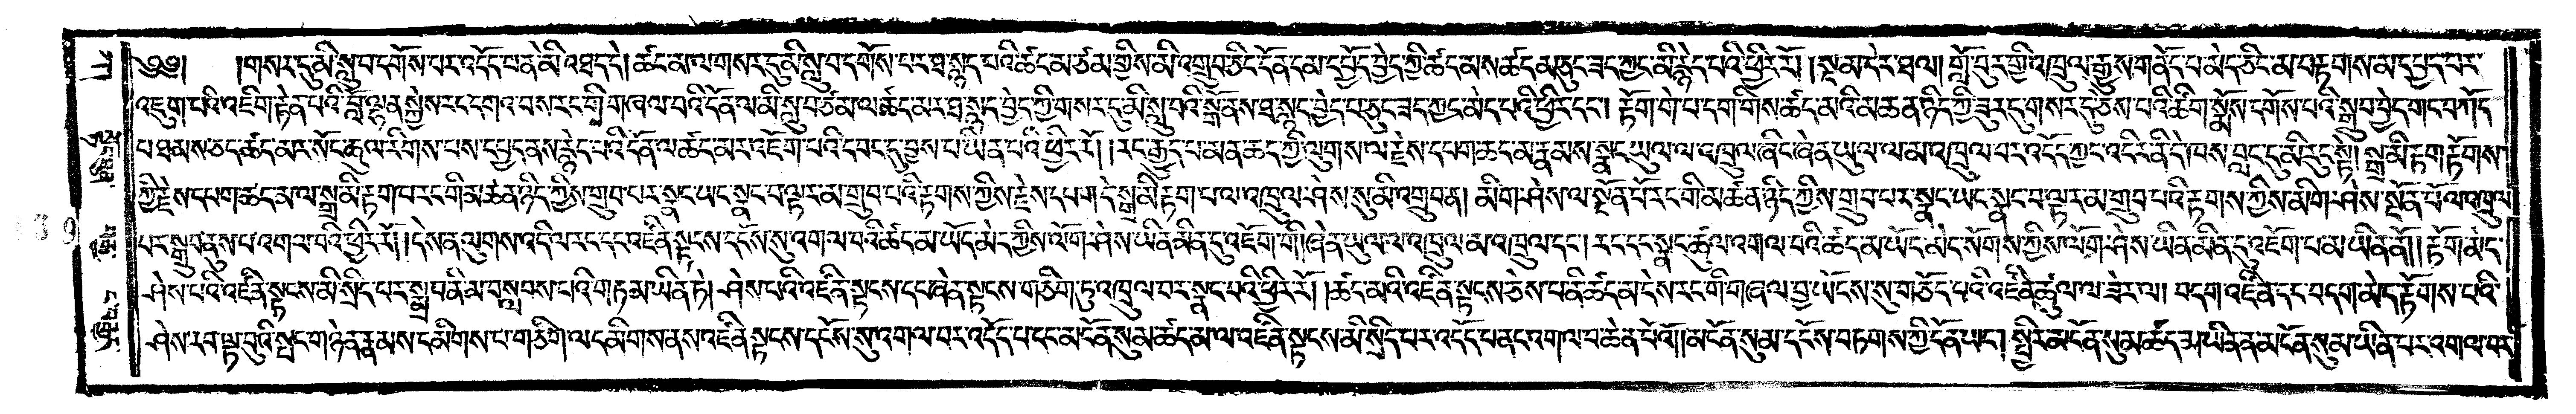༄༅། །གསར་དུ་མི་སླུ་བ་དགོས་པར་འདོད་པ་ནི་མི་འཐད་དེ། ཚད་མ་ལ་གསར་དུ་མི་སླུ་བ་དགོས་པར་ཐ་སྙད་པའི་ཚད་མ་ཙམ་གྱིས་མི་འགྲུབ་ཅིང་དོན་དམ་དཔྱོད་བྱེད་ཀྱི་ཚད་མ་ཅུང་ཟད་ཀྱང་མི་རྙེད་པའི་ཕྱིར་རོ། །སྔ་མ་དེར་ཐལ། གློ་བུར་གྱི་འཁྲུལ་རྒྱུས་གནོད་པ་མེད་ཅིང་མ་བརྟགས་མ་དཔྱད་པར་
འཇུག་པའ་འཇིག་རྟེན་པའི་བློ་ལྷན་སྐྱེས་རང་དགའ་བས་རང་གི་གཞལ་བའི་དོན་ལ་མི་སླུ་བ་ཙམ་ལ་ཚད་མར་ཐ་སྙད་བྱེད་ཀྱི་གསར་དུ་མི་སླུ་བའི་སྒོ་ནས་ཐ་སྙད་བྱེད་པ་ཅུང་ཟད་ཀྱང་མེད་པའི་ཕྱིར་དང་། རྟོག་གེ་པ་དག་གིས་ཚད་མའི་མཚན་ཉིད་ཀྱི་ཟུར་དུ་གསར་དུ་ཅེས་པའི་ཚིག་སྨོས་དགོས་པའི་སྒྲུབ་བྱེད་གང་བཀོད་
པ་ཐམས་ཅད་ཚད་མར་སོང་ཆུལ་རིགས་པས་དཔྱད་ནས་རྙེད་པའི་དོན་ལ་ཚད་མར་འཇོག་པའི་དབང་དུ་བྱས་པ་ཡིན་པའི་ཕྱིར་རོ། །རང་རྒྱུད་པ་མན་ཆད་ཀྱི་ལུགས་ལ་རྗེས་དཔག་ཆང་མ་རྣམས་སྣང་ཡུལ་ལ་འཁྲུལ་ཞིང་ཞེན་ཡུལ་ལ་མ་འཁྲུལ་བར་འདོད་ཀྱང་འདིར་ནི་དེ་ཁས་བླང་དུ་མི་རུང་སྟེ། སྒྲ་མི་རྟག་རྟོགས་
ཀྱི་རྗེས་དཔག་ཆད་མ་ལ་སྒྲ་མི་རྟག་པ་རང་གི་མཚན་ཉིད་ཀྱིས་གྲུབ་པར་སྣང་ཡང་སྣང་བ་ལྟར་མ་གྲུབ་པའི་རྟགས་ཀྱིས་རྗེས་དཔག་དེ་སྒྲ་མི་རྟག་པ་ལ་འཁྲུལ་ཤེས་སུ་མི་འགྲུབ་ན། མིག་ཤེས་ལ་སྔོན་པོ་རང་གི་མཚན་ཉིད་ཀྱིས་གྲུབ་པར་སྣང་ཡང་སྣང་བ་ལྟར་མ་གྲུབ་པའི་རྟགས་ཀྱིས་མིག་ཤེས་སྔོན་པོ་ལ་འཁྲུལ་
པར་སྒྲུབ་ནུས་པ་འགལ་བའི་ཕྱིར་རོ། །དེས་ན་ལུགས་འདི་ལ་རང་དང་འཛིན་སྟངས་དངོས་སུ་འགལ་བའི་ཚད་མ་ཡོད་མེད་ཀྱིས་ལོག་ཤེས་ཡིན་མིན་དུ་འཇོག་གི །ཞེན་ཡུལ་ལ་འཁྲུལ་མ་འཁྲུལ་དང་། རང་དང་སྣང་ཚུལ་འགལ་བའི་ཚད་མ་ཡོད་མེད་སོགས་ཀྱིས་ལོག་ཤེས་ཡིན་མིན་དུ་འཇོག་པ་མ་ཡིན་ནོ། །རྟོག་མེད་
ཤེས་པའི་འཛིན་སྟངས་མི་སྲིད་པར་སྒྲབ་ནི་མ་བསླབས་པའི་གཏམ་ཡིན་ཏེ། ཤེས་པའི་འཛིན་སྟངས་དང་ཞེན་སྟངས་གཅིག་ཏུ་འཁྲུལ་བར་སྣང་པའི་ཕྱིར་རོ། །ཚད་མའི་འཛིན་སྟངས་ཅེས་པ་ནི་ཚད་མ་དེས་རང་གི་གཞལ་བྱ་ཡོངས་སུ་གཅོད་པའི་འཛིན་ཚུལ་ལ་ཟེར་ལ། བདག་འཛིན་དང་བདག་མེད་རྟོགས་པའི་
ཤེས་རབ་ལྟ་བུའི་སྤང་གཉེན་རྣམས་དམིགས་པ་གཅིག་ལ་དམིགས་ནས་འཛིན་སྟངས་དངོས་སུ་འགལ་བར་འདོད་པ་དང་མངོན་སུམ་ཚད་མ་ལ་འཛིན་སྟངས་མི་སྲིད་པར་འདོད་པ་ནང་འགལ་བ་ཆེན་པོའོ། །མངོན་སུམ་དངོས་བཏགས་ཀྱི་དོན་ཡང་། སྤྱིར་མངོན་སུམ་ཚད་མ་ཡིན་ན་མངོན་སུམ་ཡིན་པར་འགལ་བར་?